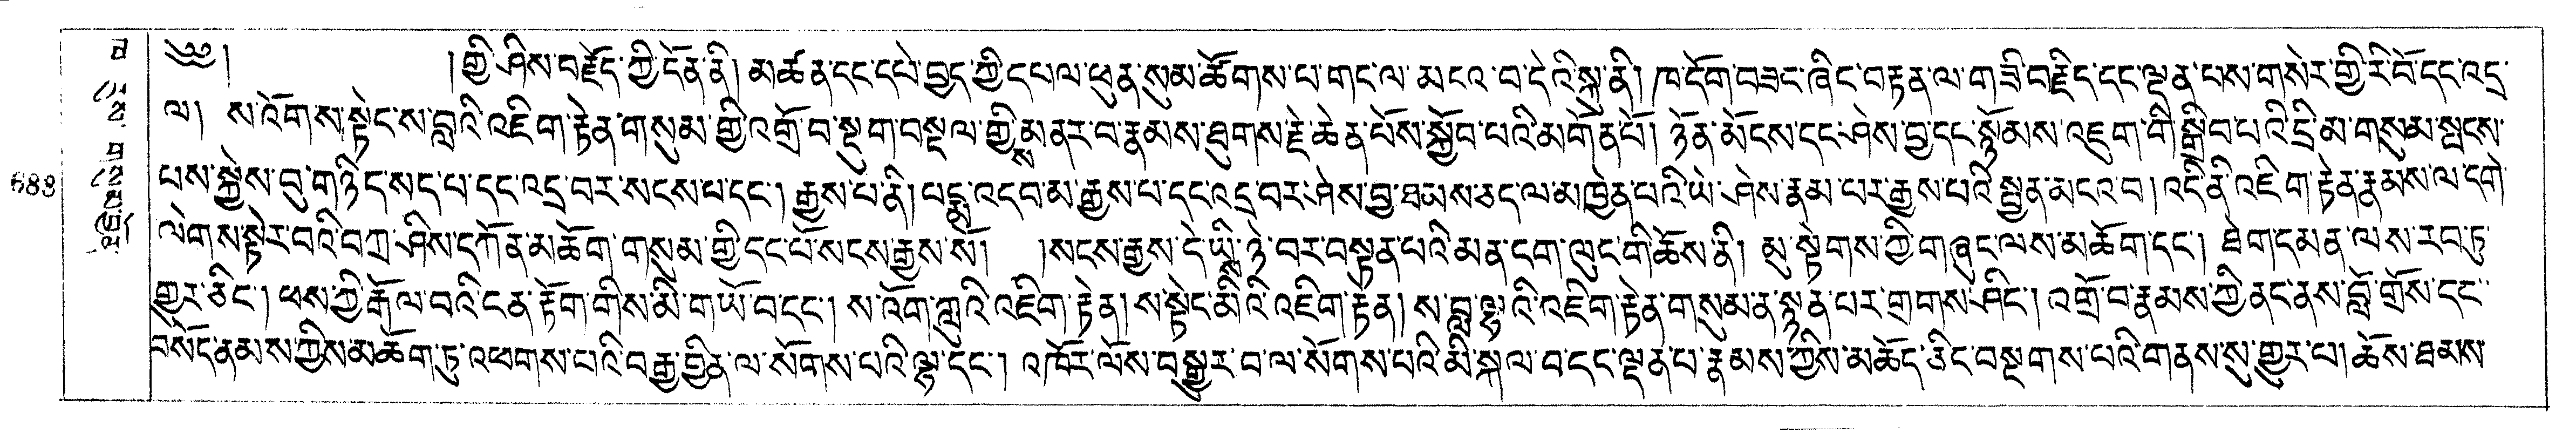༄༅། །གྱི་ཤིས་བརྗོད་ཀྱི་དོན་ནི། མཚན་དང་དཔེ་བྱད་ཀྱི་དཔལ་ཕུན་སུམ་ཚོགས་པ་གང་ལ་མངའ་བ་དེའི་སྐུ་ནི། ཁ་དོག་བཟང་ཞིང་བརྟན་ལ་གཟི་བརྗིད་དང་ལྡན་པས་གསེར་གྱི་རི་བོ་དང་འདྲ་
ལ། ས་འོགས་སྟེང་ས་བླའི་འཇིག་རྟེན་གསུམ་གྱི་འགྲོ་བ་སྡུག་བསྔལ་གྱིས་མནར་བ་རྣམས་ཐུགས་རྗེ་ཆེན་པོས་སྐྱོབ་པའི་མགོན་པོ། ཉོན་མོངས་དང་ཤེས་བྱ་དང་སྙོམས་འཇུག་གི་སྒྲིབ་པའི་དྲི་མ་གསུམ་སྤངས་
པས་སྐྱེས་བུ་གཉིད་སད་པ་དང་འདྲ་བར་སངས་པ་དང་། རྒྱས་པ་ནི། པདམ་འདབ་མ་རྒྱས་པ་དང་འདྲ་བར་ཤེས་བྱ་ཐམས་ཅད་ལ་མཁྱེན་པའི་ཡེ་ཤེས་རྣམ་པར་རྒྱས་པའི་སྤྱན་མངའ་བ། འདི་ནི་འཇིག་རྟེན་རྣམས་ལ་དགེ་
ལེགས་སྟེར་བའི་བཀྲ་ཤིས་དཀོན་མཆོག་གསུམ་གྱི་དང་པོ་སངས་རྒྱས་སོ། །སངས་རྒྱས་དེ་ཡིས་ཉེ་བར་བསྟན་པའི་མན་ངག་ལུང་གི་ཆོས་ནི། མུ་སྟེངས་ཀྱི་གཞུང་ལས་མཆོག་དང་། ཐེག་དམན་ལས་རབ་ཏུ་
གྱུར་ཅིང་། ཕས་ཀྱི་རྒོལ་བའི་ངན་རྟོག་གིས་མི་གཡོ་བ་དང་། ས་འོག་ཀླུའི་འཇིག་རྟེན། ས་སྟེང་མིའི་འཇིག་རྟེན། ས་བླ་ལྷའི་འཇིག་རྟེན་གསུམ་ན་སྙན་པར་གྲགས་ཤིང་། འགྲོ་བ་རྣམས་ཀྱི་ནང་ནས་བློ་གྲོས་དང་
བསོད་ནམས་ཀྱིས་མཆོག་ཏུ་འཕགས་པའི་བརྒྱ་བྱིན་ལ་སོགས་པའི་ལྷ་དང་། འཁོར་ལོས་བསྒྱུར་བ་ལ་སོགས་པའི་མི་སྐལ་བ་དང་ལྡན་པ་རྣམས་ཀྱིས་མཆོད་ཅིང་བསྔགས་པའི་གནས་སུ་གྱུར་པ། ཆོས་ཐམས་